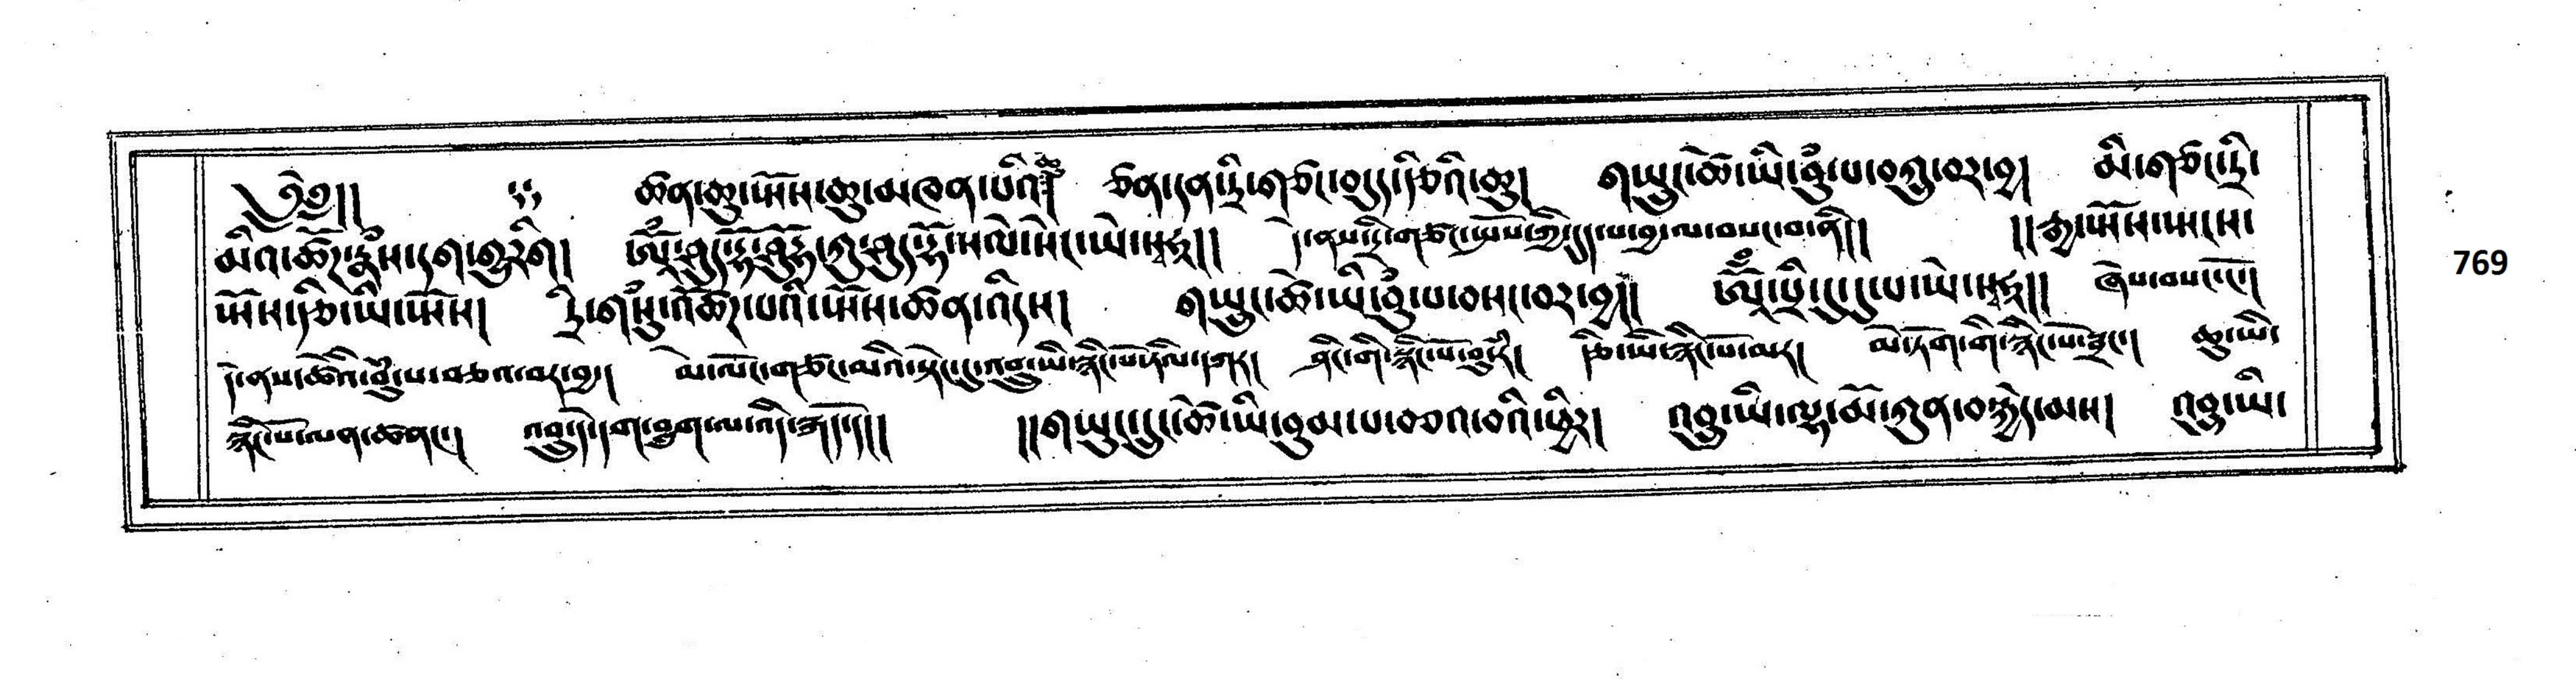ཚན་ཆུ་སྤོས་ཆུ་འཁན་པའི་ཆུ། ཙན་དན་དྲི་གཙང་བདུད་རྩིའི་ཆུ། གཡུང་དྲུང་ཚེ་ཡི་བུམ་པ་བཀྲུ་བར་བྱ། མི་གཙང་དྲི་
མའི་ཚོགས་རྣམས་དག་གྱུར་ཅིག ཨཱོཾ་ཤུད་དྷོ་ཤུདྷོ་ཀུ་ཤུད་དྷོ་སལེ་སེང་ཡེ་སྭཧཱ།། དེ་ནས་དྲི་གཙང་སྤོས་ཀྱི་དུད་པ་བྱ་ལ་བསང་བ་ནི།། །།རྒྱ་སྤོས་སྤང་
སྤོས་རྩི་ཡི་སྤོས། དྲི་གསུམ་འཚོགས་པའི་སྤོས་ཚན་འདིས། གཡུང་དྲུང་ཚེ་ཡི་བུམ་པ་བསང་བར་བྱ།། ཨཱོཾ་པྲི་དུ་དུ་པ་ཡེ་སྭཧཱ།། ཞེས་བསང་ངོ་། 
དེ་ནས་ཚེའི་བུམ་པ་བཅའ་བར་བྱ། མེ་ལོང་གཙང་མའི་སྟེང་དུ་འབྲུ་ཡི་སྙིང་པོ་ཏིལ་དཀར། ཤིང་གི་སྙིང་པོ་བུ་རཾ། རྩི་ཡི་སྙིང་པོ་མར། མེ་ཏོག་གི་སྙིང་པོ་སྦྲང་། ཆུ་ཡི་
སྙིང་པོ་ལན་ཚྭ་དང་། འབྲུ་དེ་དག་བླུག་ལ་འདི་སྐད་དོ།། །།གཡུང་དྲུང་ཚེ་ཡི་བུམ་པ་བཅའ་བའི་ཕྱིར། འབྲུ་ཡི་ལྷ་མོ་ཀུན་བསྐྱེད་མས། འབྲུ་ཡི་